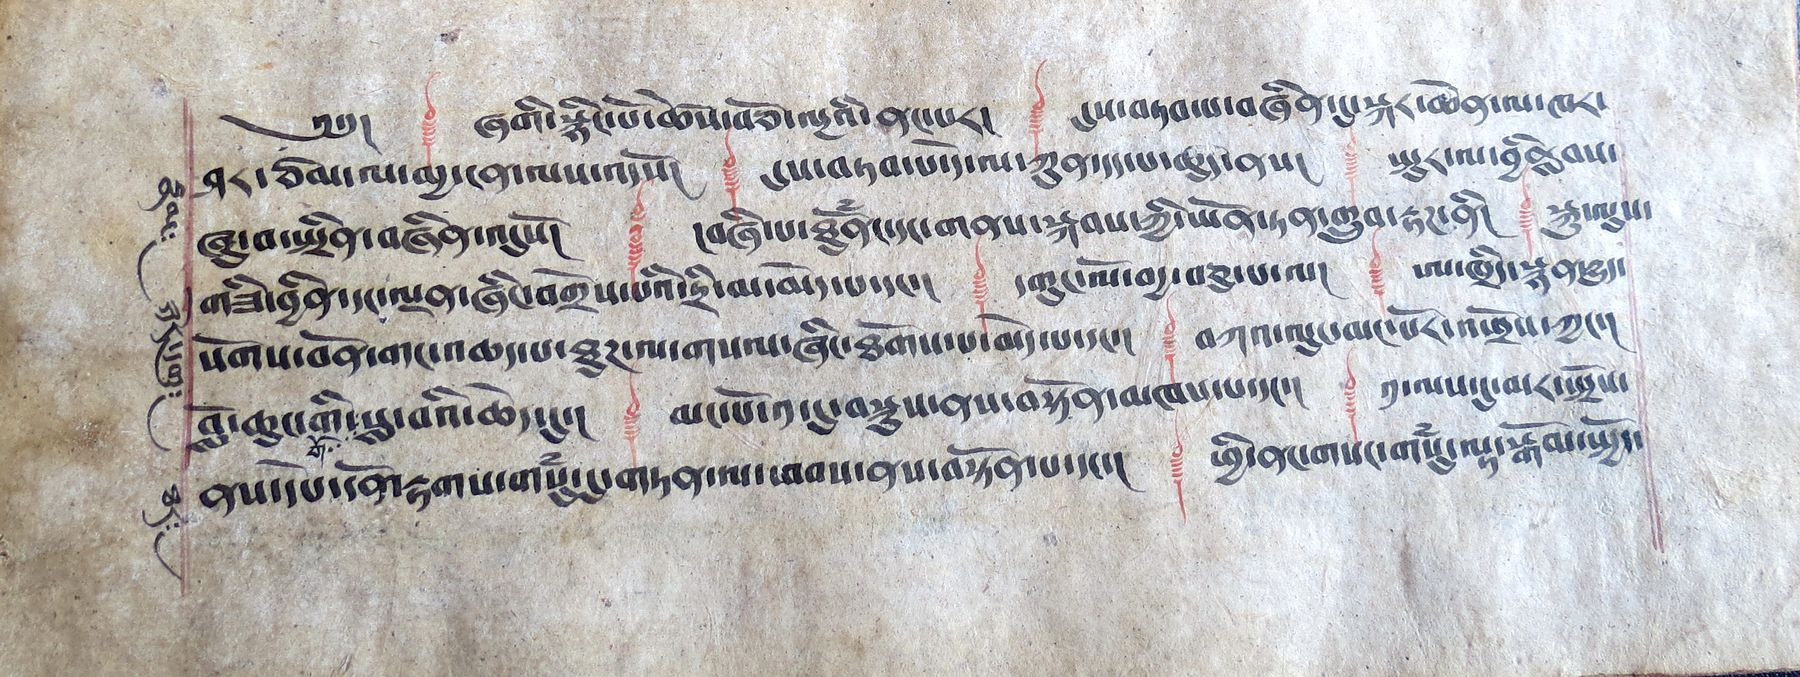ཞག་གིས་སྙིང་པོ་ཚེས་བཅོ་ལྔའི་ནང་བར། དུས་བཏབ་པ་བཞིན་དུ། སྐར་ཆེན་ལ་ཁར་
ཤར་ཙམ་ལ་སྐུ་མྱ་ངན་ལས་འདས་སོ། ། དུས་བཏབ་པ་དེ་ལ་ཀུན་དད་པ་ཆུད་ནས། སྤུར་ལ་བྱིན་རླབས་
ཞུ་བ་སྤྲིན་བཞིན་དུ་འདུས་སོ། ། བཞི་པ་ཐུན་མོང་དང་གནས་སྐབས་ཀྱི་ཡོན་ཏན་གྲུབ་རྟགས་ནི། སྐུ་ལུས་
གཟི་བྱིན་ལྡན་ཞིང་། བཞེལ་བའི་དྲི་མ་མེད་པ་དང་། དགུང་ལོ་བརྒྱད་ཅུ་པ་ལ་ཨ་ཁྲིད་སྙན་རྒྱུད་
སོགས། བོན་གང་འཆད་པ་ཐུགས་གསལ་ཞིང་ཐོགས་པ་མེད་པ་དང་། བཀའ་ལུང་མང་པོར་འཕྲོས་ཀྱང་
བློ་ཆུང་གིས་གོ་སླ་བའི་ཆེད་དུ། མང་པོ་གཅིག་ཏུ་བསྡུས་ནས་སྟོན་མཁས་པ་དང་། གཅིག་ལ་དུ་མར་སྤྲོས་
ནས་དཔེ་དོན་རྟགས་གསུམ་དུ་གཏན་ལ་ཕབ་ནས་བསྟན་པ་དང་། ཕྱི་ནང་གསང་གསུམ་ལྟ་སྒོམ་སྤྱོད་